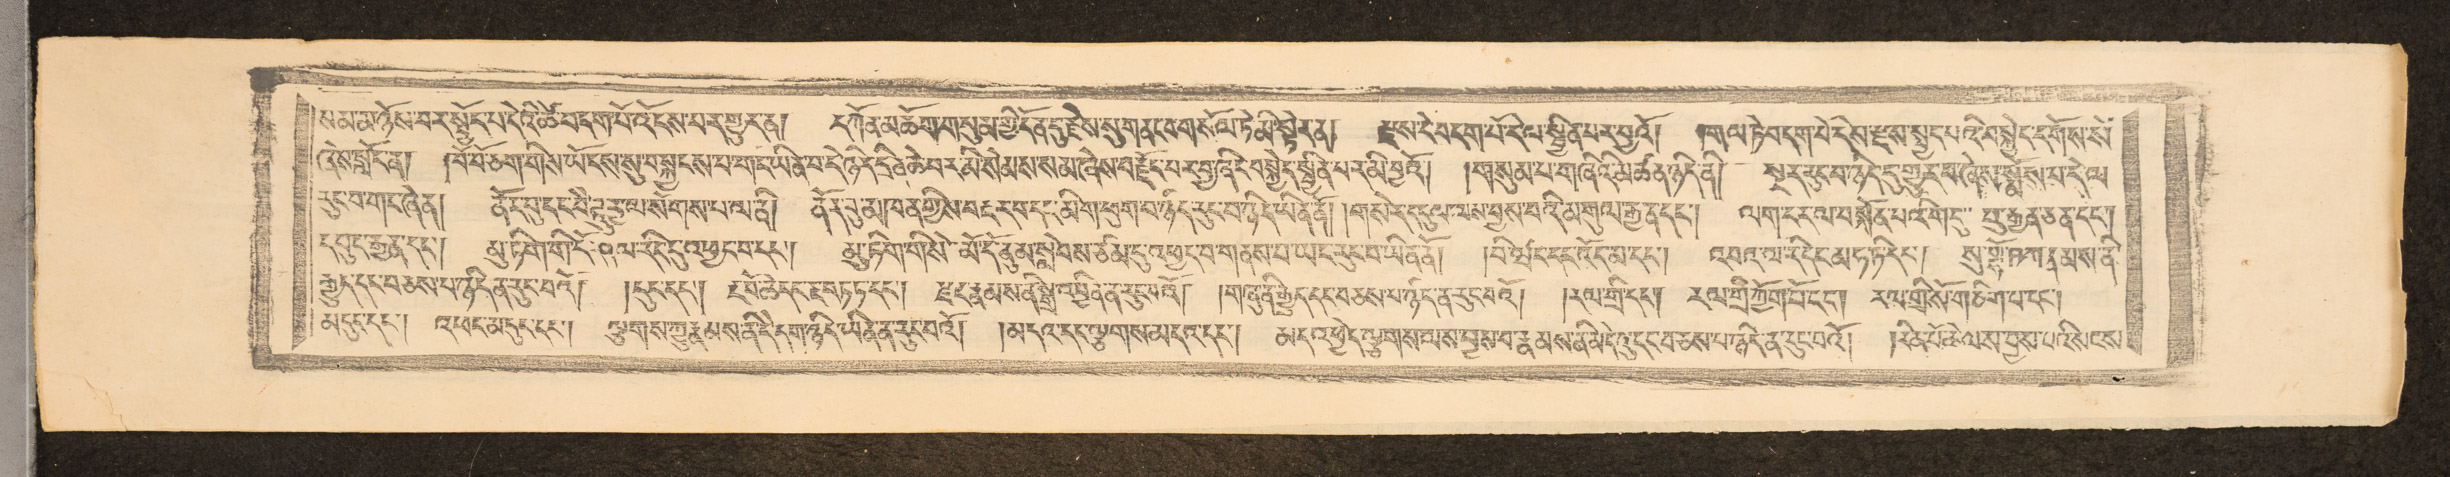མམ་མ་ཉོས་བར་སྤྱོད་པ་དེའི་ཚེ་བདག་པོ་འོངས་པར་གྱུར་ན། དཀོན་མཆོག་གསུམ་གྱི་དོན་དུ་རྗེས་སུ་གནང་བ་གསོལ་ཏེ་མི་སྟེར་ན། རྫས་དེ་བདག་པོ་དེ་ལ་སྦྱིན་པར་བྱའོ། །གལ་ཏེ་བདག་པོ་དེས་རྫས་སྤྱད་བའི་བསྐྱེད་དགོས་སོ་
ཞེས་སློང་ན། ཁོ་བོ་ཅག་གིས་ཡོངས་སུ་བསྐྱངས་པ་གང་ཡིན་པ་དེ་ཉིད་དྲིན་ཆེ་བར་མི་སེམས་སམ་ཞེས་བརྗོད་བར་བྱ་ཞིང་བསྐྱེད་སྦྱིན་པར་མི་བྱའོ། །གསུམ་པ་གཞིའི་མཚན་ཉིད་ནི། སྔར་རུང་བ་ཉིད་དུ་གྱུར་པ་ཞེས་སྨོས་པ་དེ་ལ་
རུང་བ་གང་ཞེ་ན། ནོར་བུ་དང་བཻ་ཌཱུརྱ་ལ་སོགས་བ་ལ་ནི། ནོར་བུ་མཁན་གྱིས་བརྡར་བ་དང་མིག་ཕུག་པ་ཉིད་རུང་བ་ཉིད་ཡིན་ནོ། །གསེར་དངུལ་ལས་བྱས་བའི་མགུལ་རྒྱན་དང་། ལག་ངར་ལ་བསྐོན་པའི་གདུ?་བུ་རྒྱན་ཅན་དང་།
དཔུང་རྒྱན་དང་། མུ་ཏིག་གི་དོ་ཤལ་རིང་དུ་འཕྱང་བ་དང་། མུ་ཏིག་གི་སེ་མོ་ངོ་ནུམ་སླེབས་ཙམ་དུ་འཕྱང་བ་གནས་པ་ཡང་རུང་བ་ཡིན་ནོ། །པི་ཝང་དང་འོང་མ་དང་། འབའ་ལ་རི་དང་མཧ་ཏི་དང་། སུ་གྷོཥ་ཀ་རྣམས་ནི་
རྒྱུད་དང་བཅས་པ་ཉིད་ན་རུང་བའོ། །དུང་དང་། རྔ་བོ་ཆེ་དང་རྔ་བཏ་ཧ་དང་། རྫ་རྔ་རྣམས་ནི་སྒྲ་འབྱིན་ན་རུང་བའོ། །གཞུ་ནི་རྒྱུད་དང་བཅས་པ་ཉིད་ན་རུང་བའོ། །རལ་གྲི་དང་། རལ་གྲི་ཁྱོག་པོ་དང་། རལ་གྲི་སོ་གཅིག་པ་དང་།
མདུང་དང་། འཕང་མདུང་དང་། ལྕགས་ཀྱུ་རྣམས་ནི་དེ་དག་ཉིད་ཡིན་ན་རུང་བའོ། །མདའ་དང་ལྕགས་མངའ་དང་། མདའ་ཕྱེད་ལྕགས་ལས་བྱས་པ་རྣམས་ནི་མདེའུ་དང་བཅས་པ་ཉིད་ན་རུང་བའོ། །རིན་པོ་ཆེ་ལས་བྱས་པའི་སངས་